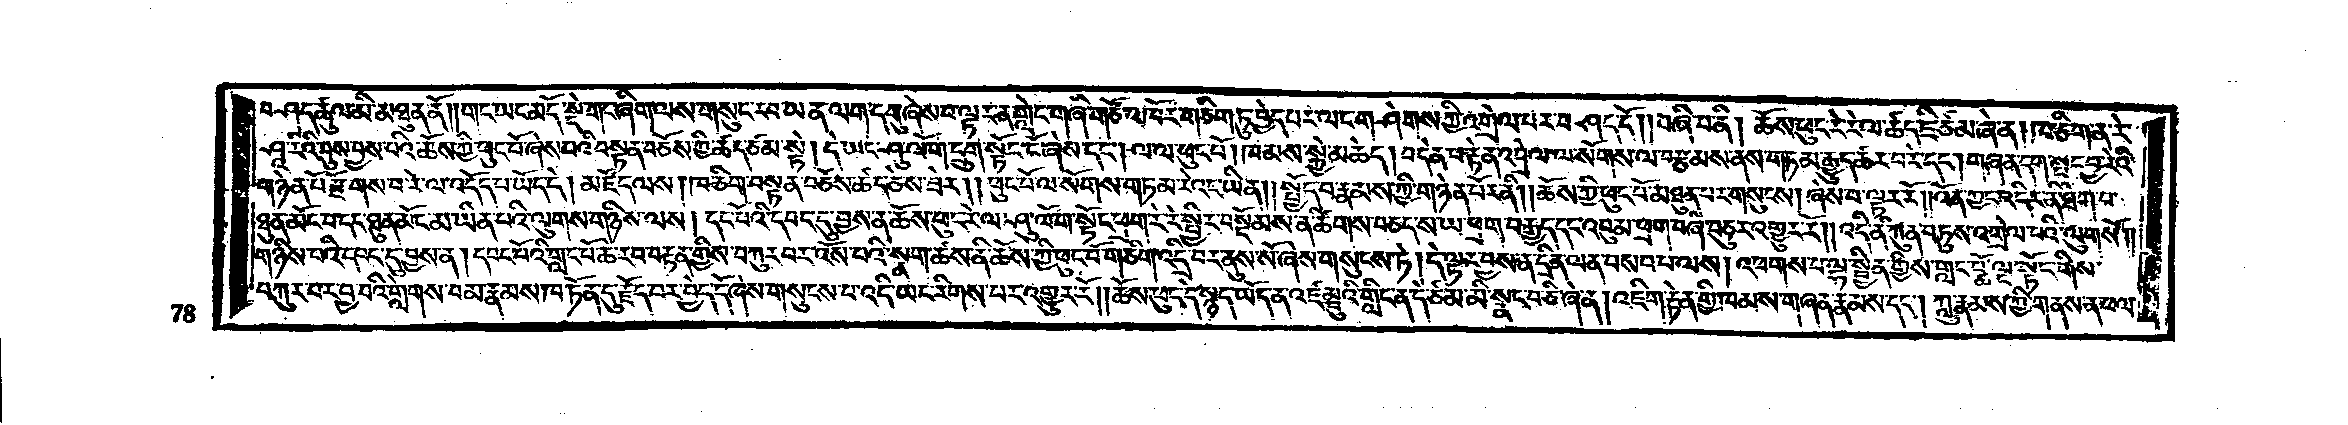བཤད་ཚུལ་མི་མཐུན་ནོ། །གང་ཡང་མདོ་སྡེ་གང་ཞིག་ལས་གསུང་རབ་ཡན་ལག་དགུ་ཞེས་པ་ལྟར་ན་གླེང་གཞི་གཙོ་འཁོར་གཅིག་ཏུ་བྱེད་པར་ལང་གཤེགས་ཀྱི་འགྲེལ་པར་བཤད་དོ། །བཞི་པ་ནི། ཆོས་ཕུང་རེ་རེ་ལ་ཚད་ཇི་ཙམ་ཞེ་ན། ཁ་ཅིག་ན་རེ་
ཤཱ་རིའི་བུས་བྱས་པའི་ཆོས་ཀྱི་ཕུང་པོ་ཞེས་པའི་བསྟན་བཅོས་ཀྱི་ཚད་ཙམ་སྟེ། དེ་ཡང་ཤུ་ལོག་དྲུག་སྟོང་ངོ་ཞེས་དང་། ལ་ལ་ཕུང་པོ། ཁམས་སྐྱེ་མཆེད། བདེན་པ་རྟེན་འབྲེལ་ལ་སོགས་ལ་བརྩམས་ནས་གཏམ་རྒྱུད་ཚར་བ་རེ་དང་། གཞན་དག་སྤང་བྱ་རེའི་
གཉེན་པོ་རྫོགས་པ་རེ་ལ་འདོད་པ་ཡོད་དེ། མཛོད་ལས། ཁ་ཅིག་བསྟན་བཅོས་ཚད་ཅེས་ཟེར། །ཕུང་པོ་ལ་སོགས་གཏམ་རེའང་ཡིན། །སྤྱོད་པ་རྣམས་ཀྱི་གཉེན་པོར་ནི། །ཆོས་ཀྱི་ཕུང་པོ་མཐུན་པར་གསུངས། ཞེས་པ་ལྟར་རོ། །འོན་ཀྱང་འདིར་ནི་ཐེག་པ་
ཐུན་མོང་བ་དང་ཐུན་མོང་མ་ཡིན་པའི་ལུགས་གཉིས་ལས། དང་པོའི་དབང་དུ་བྱས་ན་ཆོས་ཕུང་རེ་ལ་ཤུ་ལོ་ག་སྟོང་ཕྲག་རེ་རེ་སྤྱིར་བསྡོམས་ན་ཚིགས་བཅད་ས་ཡ་ཕྲག་བརྒྱད་དང་འབུམ་ཕྲག་བཞི་བཅུར་འགྱུར་རོ། །འདི་ནི་ཀུན་བཏུས་འགྲེལ་པའི་ལུགས་སོ། །
གཉིས་པའི་དབང་དུ་བྱས་ན། དབང་པོའི་གླང་པོ་ཆེ་རབ་བརྟན་གྱིས་བཀུར་བར་འོས་པའི་སྣག་ཚས་ནི་ཆོས་ཀྱི་ཕུང་པོ་གཅིག་འདྲི་བར་ནུས་སོ་ཞེས་གསུངས་ཏེ། དེ་ལྟར་བྱས་ན་དྲིན་ལན་བསབ་པ་ལས། འཕགས་པ་ལྷ་སྦྱིན་གྱིས་གླང་པོ་ཆེ་ལྔ་སྟོང་གིས་
བཀུར་བར་བྱ་བའི་གླེགས་བམ་རྣམས་ཁ་ཏོན་དུ་བརྗོད་པར་བྱེད་དོ་ཞེས་གསུངས་པ་འདི་ཡང་རིགས་པར་འགྱུར་རོ། །ཆོས་ཕུང་དེ་སྙད་ཡོད་ན་འཛམ་བུའི་གླིང་ན་དེ་ཙམ་མི་སྣང་བ་ཅི་ཞེ་ན། འཇིག་རྟེན་གྱི་ཁམས་གཞན་རྣམས་དང་། ཀླུ་རྣམས་ཀྱི་གནས་ན་ཕལ་